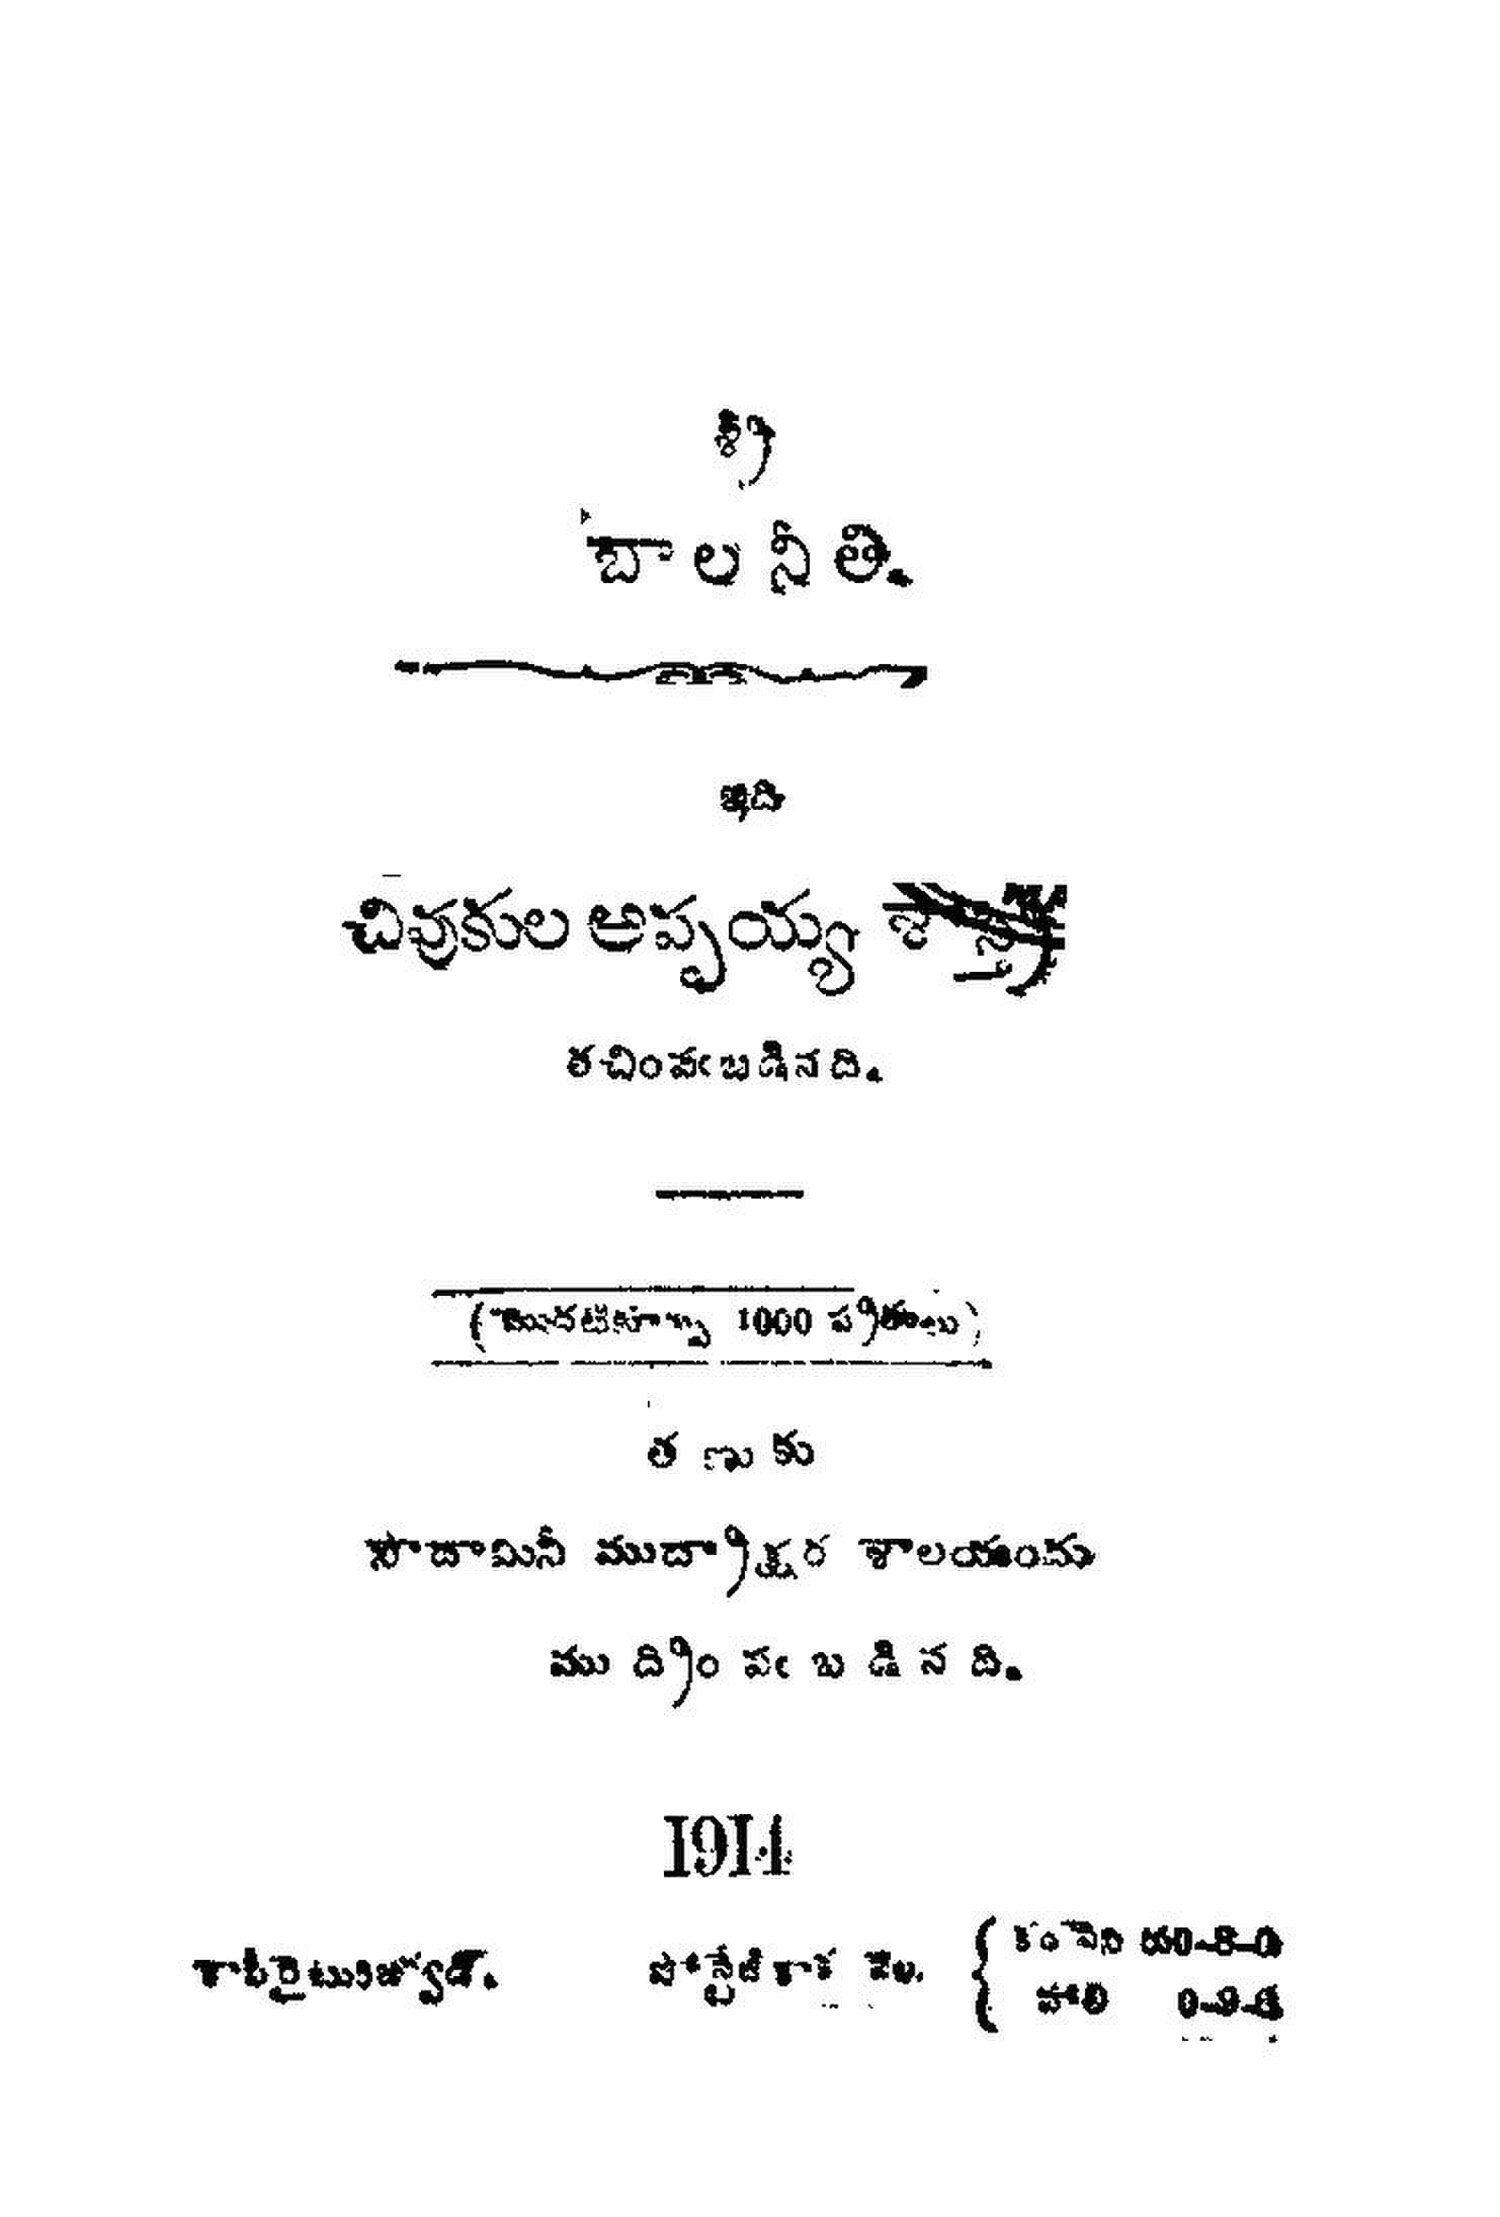బాలనీతి

చివుకుల అప్పయ్య శాస్త్రిచే

1914